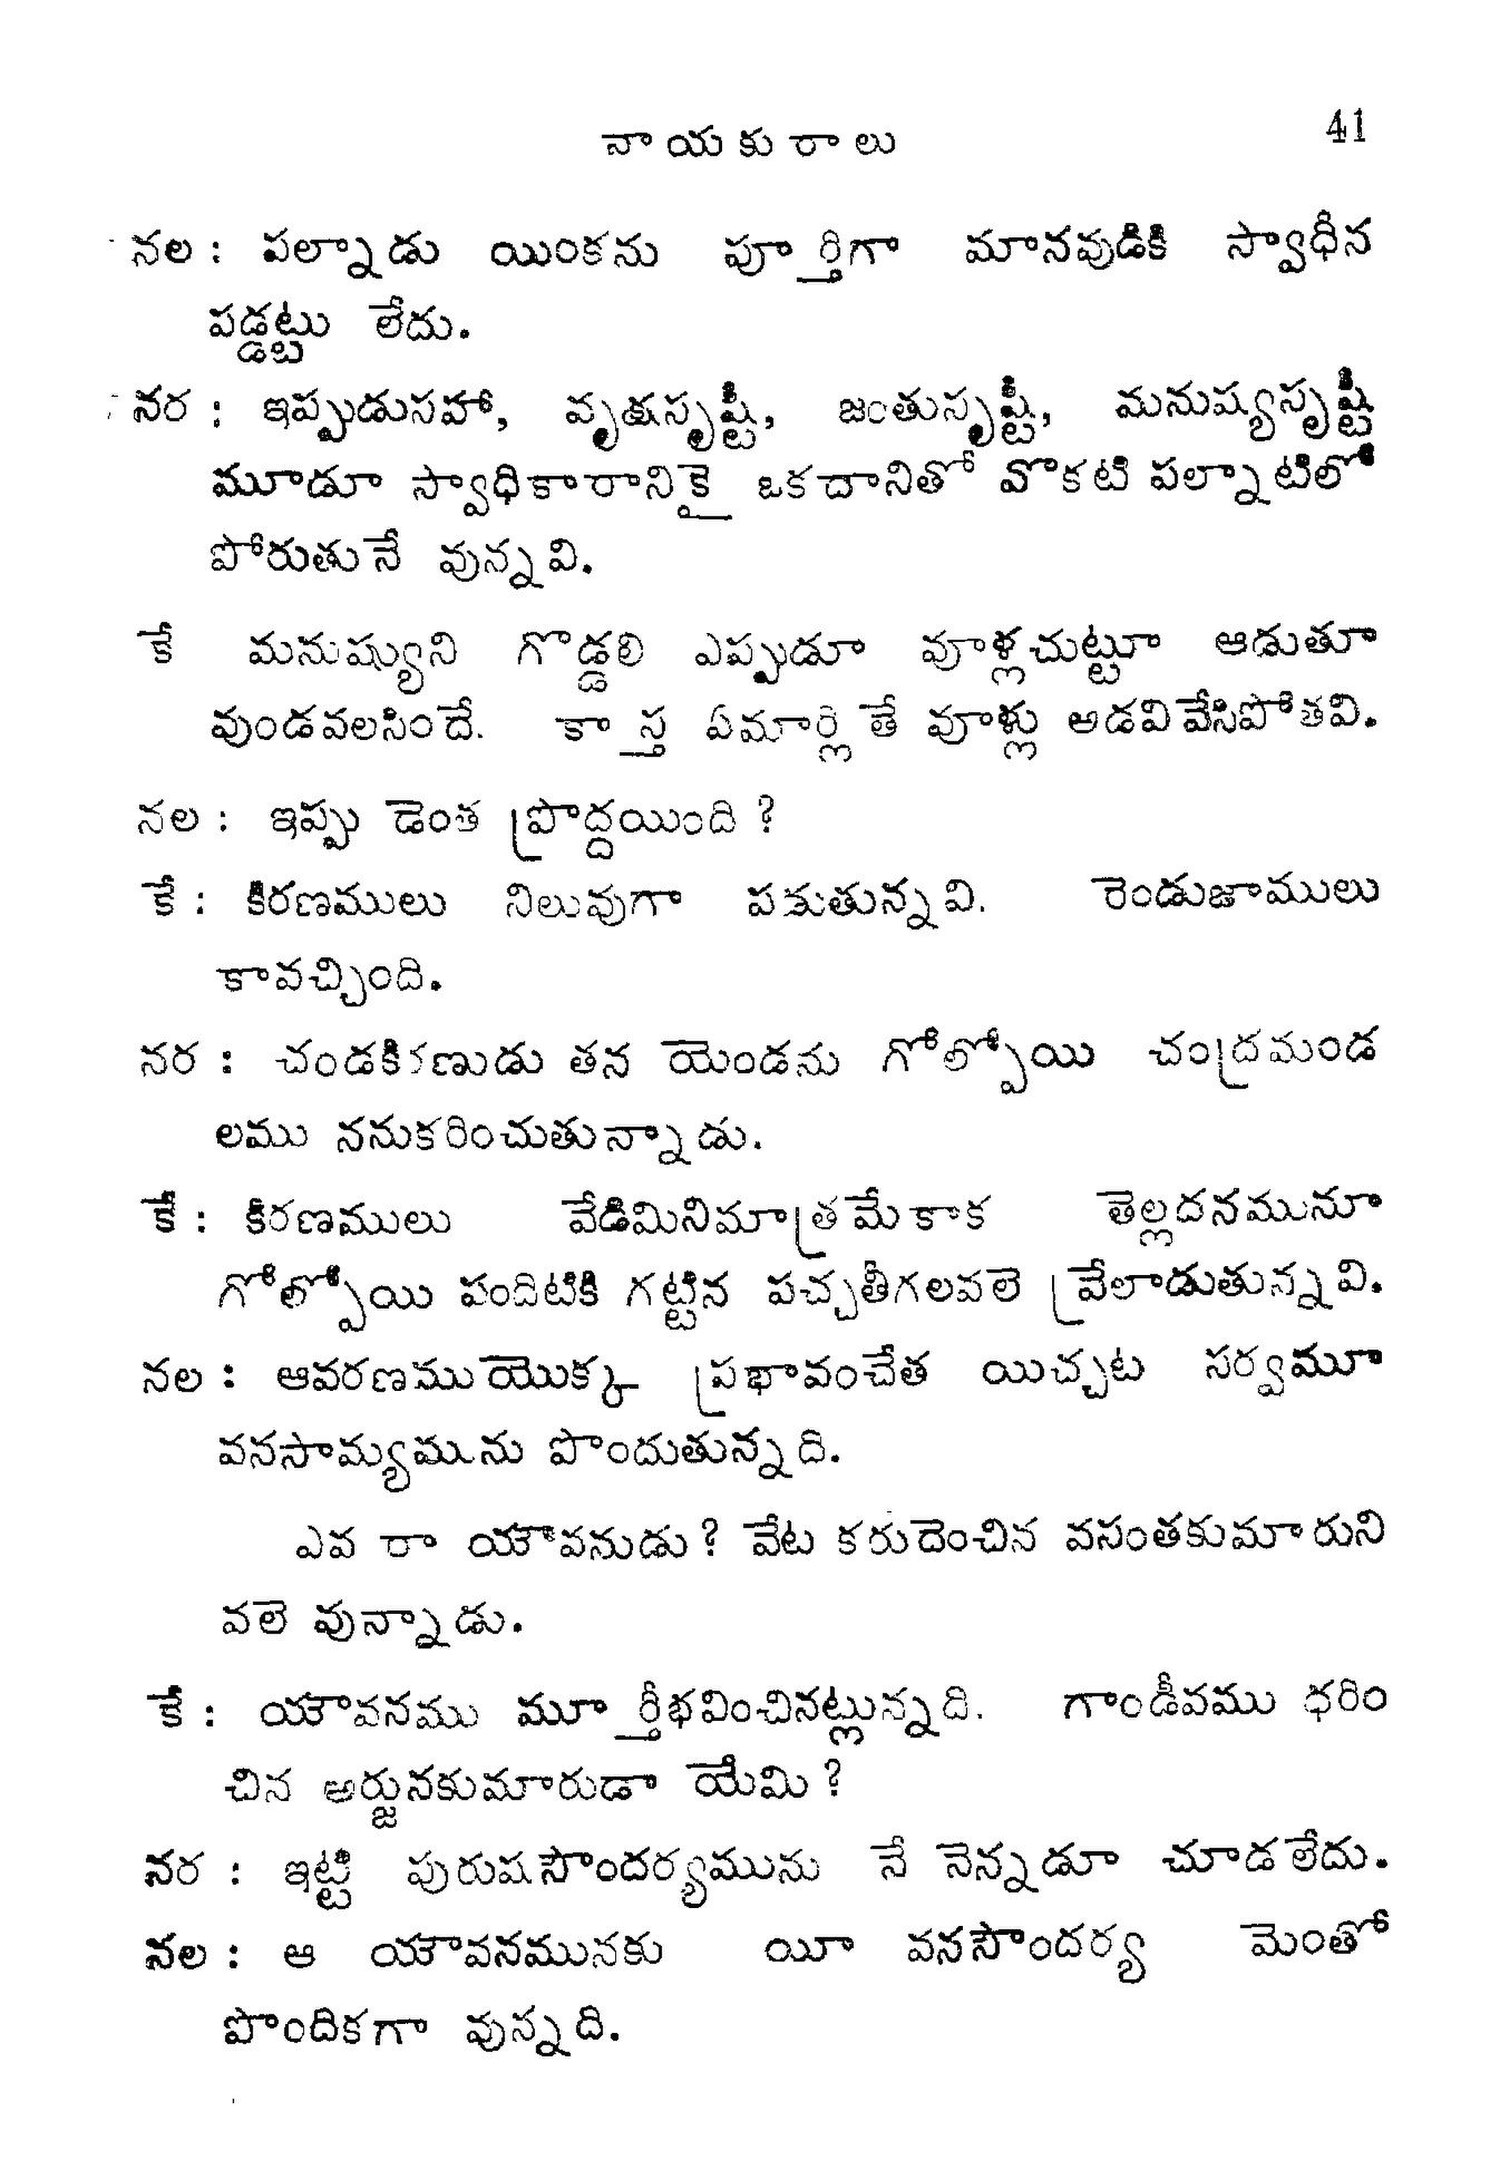నల : పల్నాడు యింకను పూర్తిగా మానవుడికి స్వాధీన పడ్డట్టు లేదు.

నర : ఇప్పుడుసహా, వృక్షసృష్టీ, జంతుసృష్టీ, మనుష్యసృష్టీ మూడూ స్వాధికారానికై ఒకదానితో వొకటి పల్నాటిలో పోరుతునే వున్నవి.

కే : మనుష్యుని గొడ్డలి ఎప్పుడూ వూళ్ల చుట్టూ ఆడుతూ వుండవలసిందే. కాస్త ఏమార్లితే వూళ్లు అడవి వేసిపోతవి.

నల : ఇప్పు డెంత ప్రొద్దయింది ?

కే : కిరణములు నిలువుగా పడుతున్నవి. రెండుజాములు కావచ్చింది.

నర : చండకిరణుడు తన యెండను గోల్పోయి చంద్రమండలము ననుకరించుతున్నాడు.

కే : కిరణములు వేడిమినిమాత్రమేకాక తెల్లదనమునూ గోల్పోయి పందిటికి గట్టిన పచ్చతీగలవలె వ్రేలాడుతున్నవి.

నల : ఆవరణముయొక్క ప్రభావంచేత యిచ్చట సర్వమూ వనసామ్యమును పొందుతున్నది.

ఎవ రా యౌవనుడు? వేట కరుదెంచిన వసంతకుమారునివలె వున్నాడు.

కే : యౌవనము మూర్తీభవించినట్లున్నది. గాండీవము ధరించిన అర్జునకుమారుడా యేమి ?

నర : ఇట్టి పురుషసౌందర్యమును నే నెన్నడూ చూడ లేదు.

నల: ఆ యౌవనమునకు యీ వనసౌందర్య మెంతో పొందిక గా వున్నది.